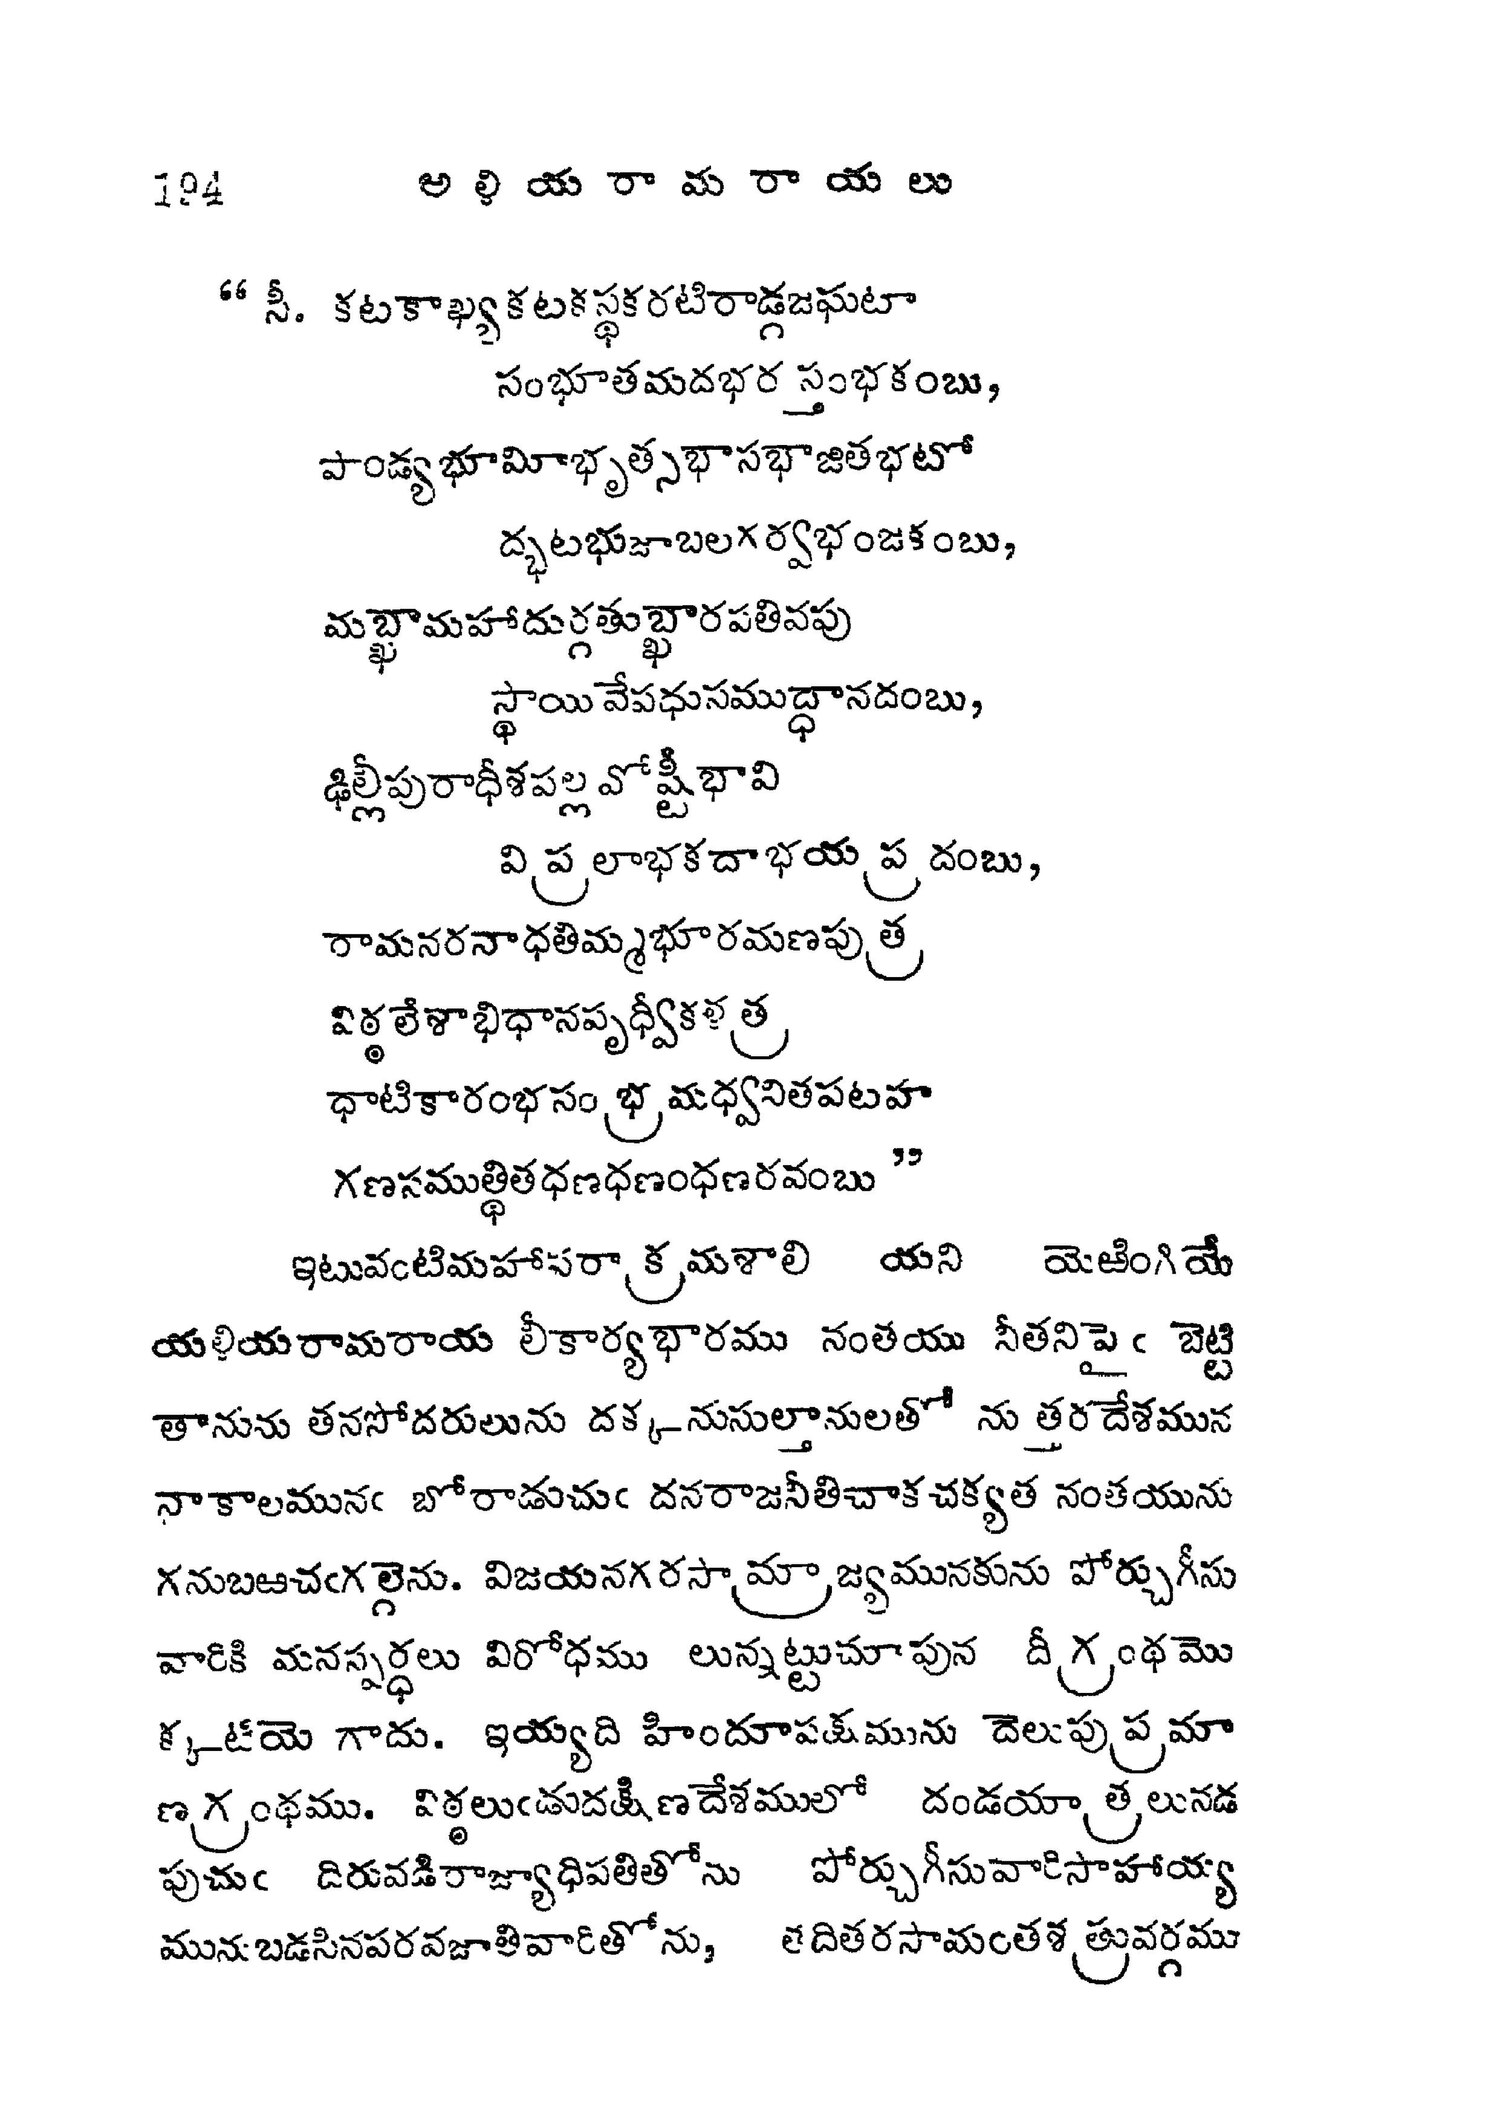"సీ. కటకాఖ్యకటకస్థకరటిరాడ్గజఘటా
 సంభూతమదభరస్తంభకంబు,
 పాండ్యభూమీభృత్సభాసభాజితభటో
 ద్భటభుజాబలగర్వభంజకంబు,
 మబ్ఖామహాదుర్గతుబ్ఖారపతివపు
 స్థాయివేపధుసముద్ధానదంబు, 
 డిల్లీపురాధీశపల్లవోష్టీభావి
 విప్రలాభకదాభయప్రదంబు,

 రామనరనాధతిమ్మభూరమణపుత్ర
 విఠ్ఠలేశాభిధానపృధ్వీకళత్ర
 ధాటికారంభసంభ్రమధ్వనితపటహ
 గణసముత్థితధణధణంధణరవంబు"

ఇటువంటి మహాపరాక్రమశాలి యని యెఱింగియే యళియరామరాయ లీకార్యభారము నంతయు నీతనిపై బెట్టి తానును తనసోదరులును దక్కనుసుల్తానులతో నుత్తరదేశమున నాకాలమున బోరాడుచు దనరాజనీతిచాకచక్యత నంతయును గనుబఱచగల్గెను. విజయనగరసామ్రాజ్యమునకును పోర్చుగీసువారికి మనస్పర్ధలు విరోధము లున్నట్టుచూపున దీగ్రంథమొక్కటియె గాదు. ఇయ్యది హిందూపక్షమును దెలుపుప్రమాణగ్రంథము. విఠ్ఠలుడుదక్షిణదేశములో దండయాత్రలునడపుచు దిరువడిరాజ్యాధిపతితోను పోర్చుగీసువారిసాహాయ్యమును బడసిన పరవజాతివారితోను, తదితరసామంతశత్రువర్గము